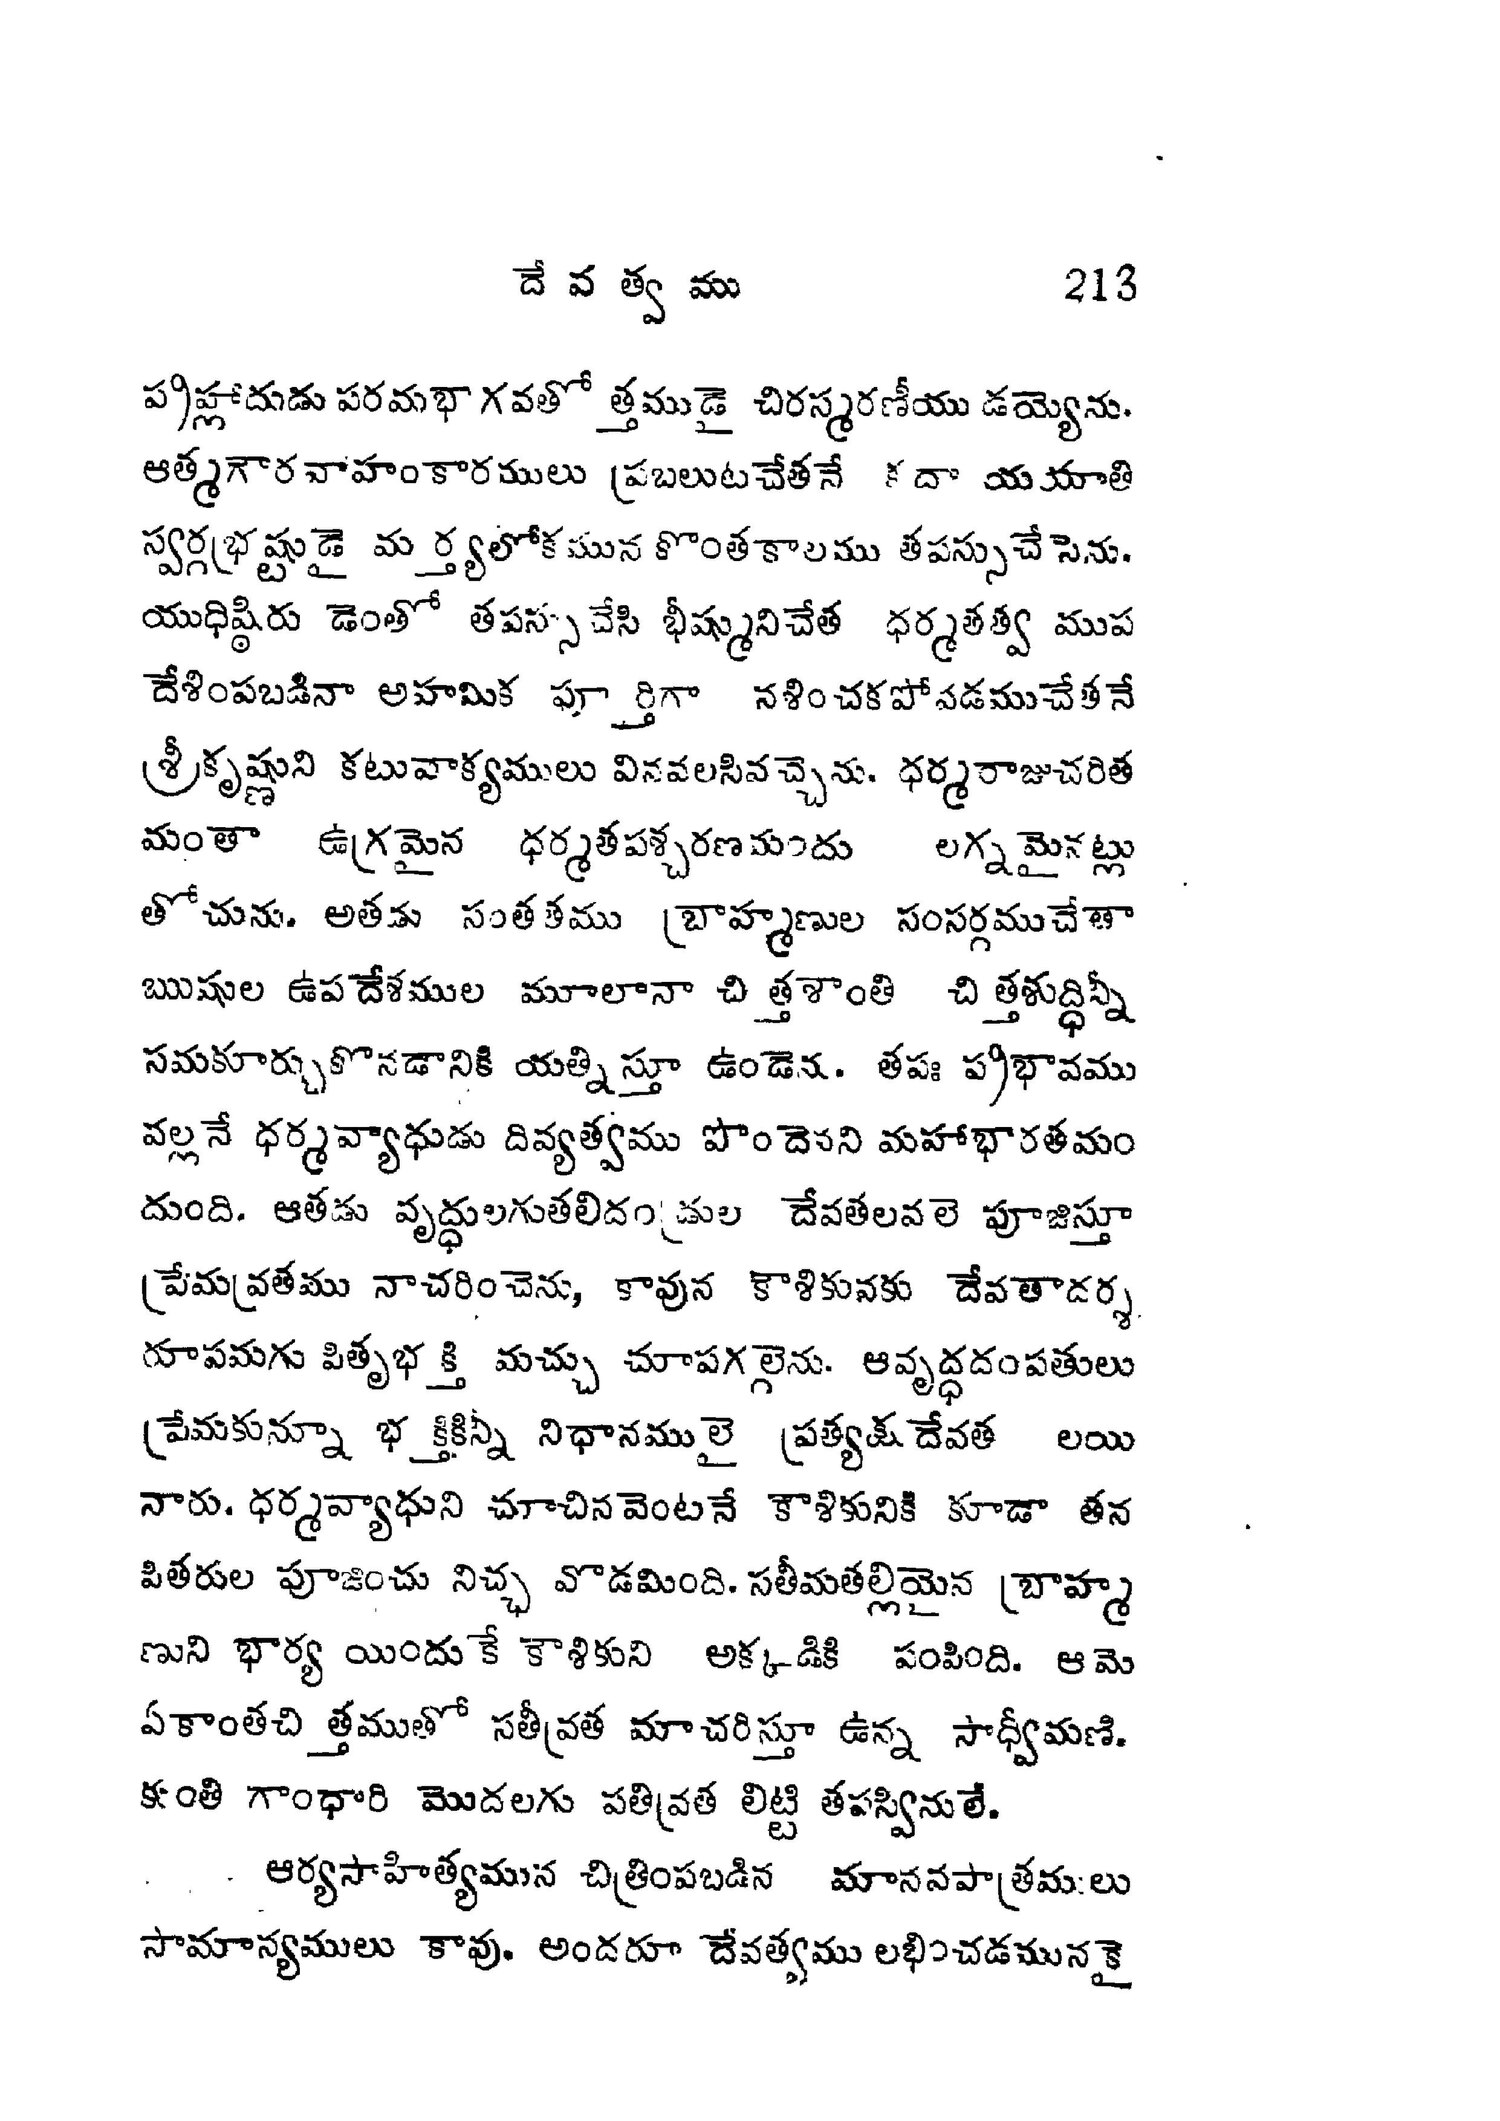ప్రహ్లాదుడు పరమభాగవతోత్తముడై చిరస్మరణీయు డయ్యెను. ఆత్మగౌరవాహంకారములు ప్రబలుటచేతనే కదా యయాతి స్వర్గభ్రష్టుడై మర్త్యలోకమున కొంతకాలము తపస్సుచేసెను. యుధిష్ఠిరు డెంతో తపస్సుచేసి భీష్మునిచేత ధర్మతత్వ ముపదేశింపబడినా అహమిక పూర్తిగా నశించకపోవడముచేతనే శ్రీకృష్ణుని కటువాక్యములు వినవలసివచ్చెను. ధర్మరాజుచరితమంతా ఉగ్రమైన ధర్మతపశ్చరణమందు లగ్నమైనట్లు తోచును. అతడు సంతతము బ్రాహ్మణుల సంసర్గముచేతా ఋషుల ఉపదేశముల మూలానా చిత్తశాంతి చిత్తశుద్ధిన్నీ సమకూర్చుకొనడానికి యత్నిస్తూ ఉండెను. తప: ప్రభావము వల్లనే ధర్మవ్యాధుడు దివ్యత్వము పొందెనని మహాభారమందుంది. ఆతడు వృద్ధులగుతలిదండ్రుల దేవతలవలె పూజిస్తూ ప్రేమవ్రతము నాచరించెను, కావున కౌశికునకు దేవతాదర్శ రూపమగు పితృభక్తి మచ్చు చూపగల్గెను. ఆవృద్ధదంపతులు ప్రేమకున్నూ భక్తికిన్నీ నిధానములై ప్రత్యక్షదేవత లయినారు. ధర్మవ్యాధుని చూచినవెంటనే కౌశికునికి కూడా తన పితరుల పూజించు నిచ్ఛ వొడమింది. సతీమతల్లియైన బ్రాహ్మణుని భార్య యిందుకే కౌశికుని అక్కడికి పంపింది. ఆమె ఏకాంతచిత్తముతో సతీవ్రత మాచరిస్తూ ఉన్న సాధ్వీమణి. కుంతి గాంధారి మొదలగు పతివ్రత లిట్టి తపస్వినులే.

ఆర్యసాహిత్యమున చిత్రింపబడిన మానవపాత్రములు సామాన్యములు కావు. అందరూ దేవత్వము లభించడమునకై